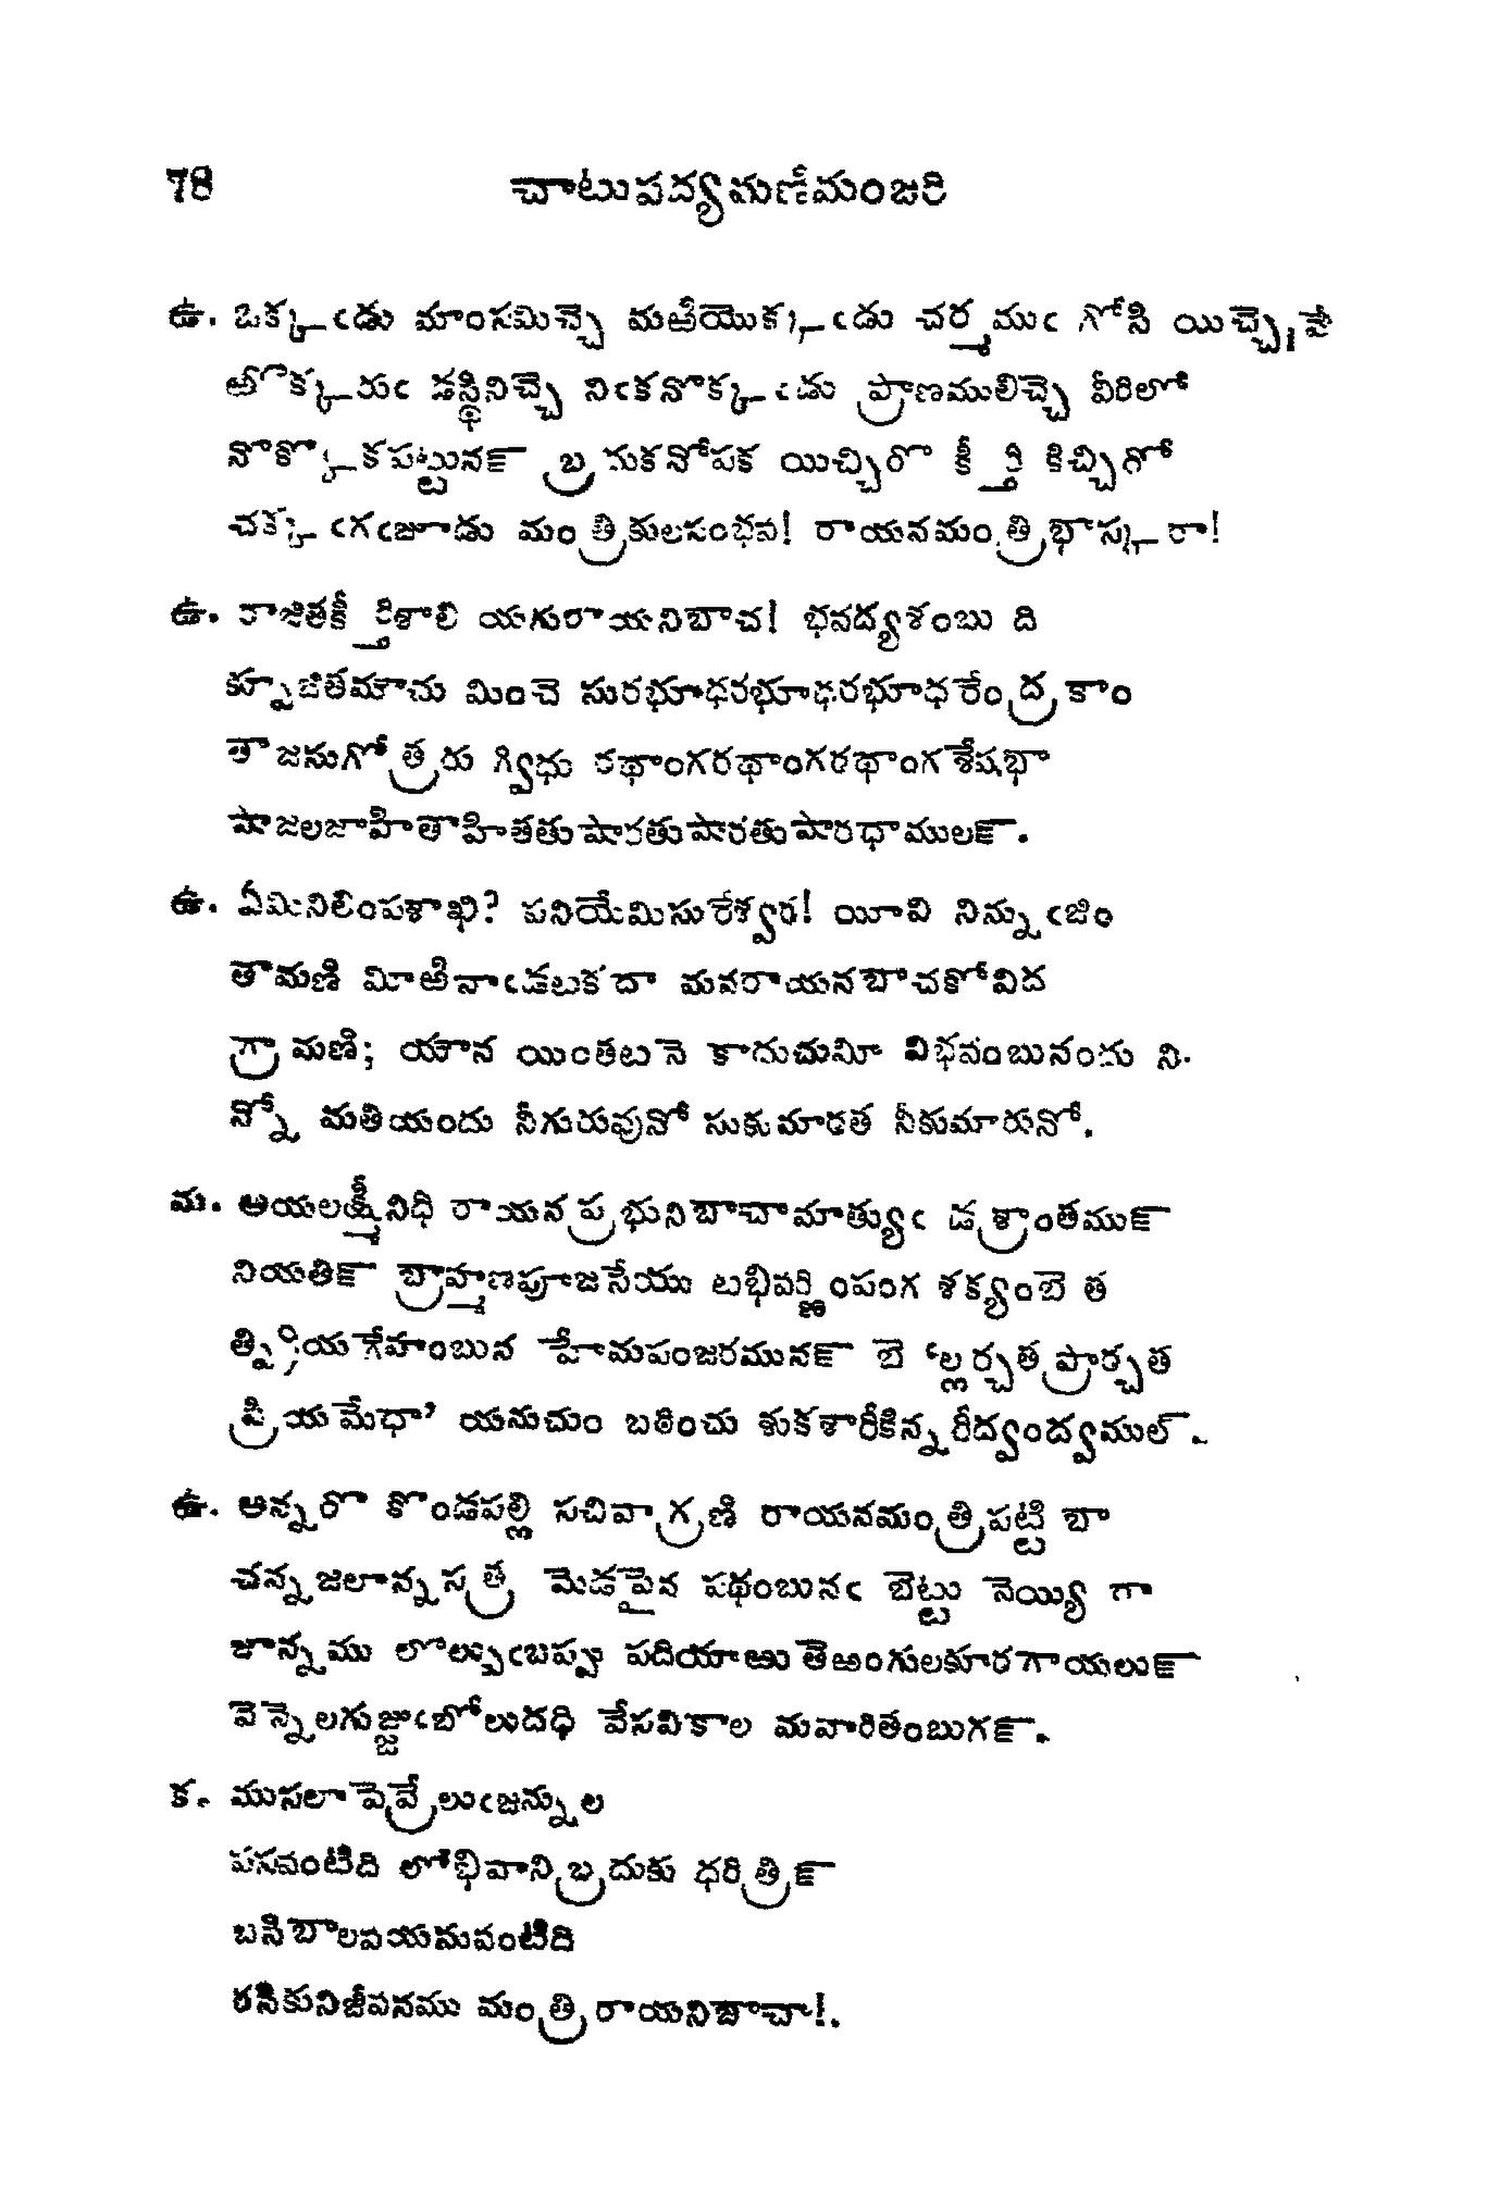ఉ. ఒక్కఁడు మాంస మిచ్చె మఱియొక్కఁడు చర్మముఁ గోసి యిచ్చె వే
 ఱొక్కరుఁ డస్థి నిచ్చె నిఁకనొక్కఁడు ప్రాణము లిచ్చె వీరిలో
 నొక్కొకపట్టునన్ బ్రదుక నోపక యిచ్చిరొ కీర్తి కిచ్చిరో
 చక్కఁగఁజూడు మంత్రికులసంభవ! రాయనమంత్రి భాస్కరా!
ఉ. రాజితకీర్తిశాలి యగు రాయనిబాచ! భవ్యదశంబు ది
 క్పూజిత మౌచు మించె సురభూధరభూధరభూధరేంద్రకాం
 తాజసుగోత్రరుగ్విధు రథాంగరథాంగరథాంగశేషభా
 షాజలజాహితాహితతుషారతుషారతుషారధాములన్.
ఉ. ఏమి నిలింపశాఖి? పని యేమి సురేశ్వర! యీవి నిన్నుఁ జిం
 తామణి మీఱినాఁడటకదా మనరాయనబాచకోవిద
 గ్రామణి; యౌన యింతటనె కాదుచుమీ విభవంబునందు ని
 న్నో మతియందు నీగురువునో సుకుమారత నీకుమారునో.
మ. ఆయతలక్ష్మీనిధి రాయనప్రభుని బాచామాత్యుఁ డశ్రాంతమున్
 నియతిన్ బ్రాహ్మణపూజ సేయు టభివర్ణింపంగ శక్యంబె త
 త్ప్రియగేహంబున హేమపంజరమునన్ బె‘ల్లర్చతప్రార్చత
 ప్రియమేధా’ యనుచుం బఠించు శుకశారీకిన్నరీద్వంద్వముల్.
ఉ. అన్నరొ కొండపల్లి సచివాగ్రణి రాయనమంత్రిపట్టి బా
 చన్నజలాన్నసత్ర మెడపైన పథంబునఁ బెట్టు నెయ్యి రా
 జాన్నము లొప్పుఁబప్పు పదియాఱు తెఱంగుల కూరగాయలున్
 వెన్నెలగుజ్జుఁ బోలు దధి వేసవికాల మవారితంబుగన్.
క. ముసలాపె వ్రేలుఁజన్నుల
 పసవంటిది లోభివానిబ్రతుకు ధరిత్రిన్
 బసిబాలవయసు వంటిది
 రసికునిజీవనము మంత్రిరాయనిబాచా!